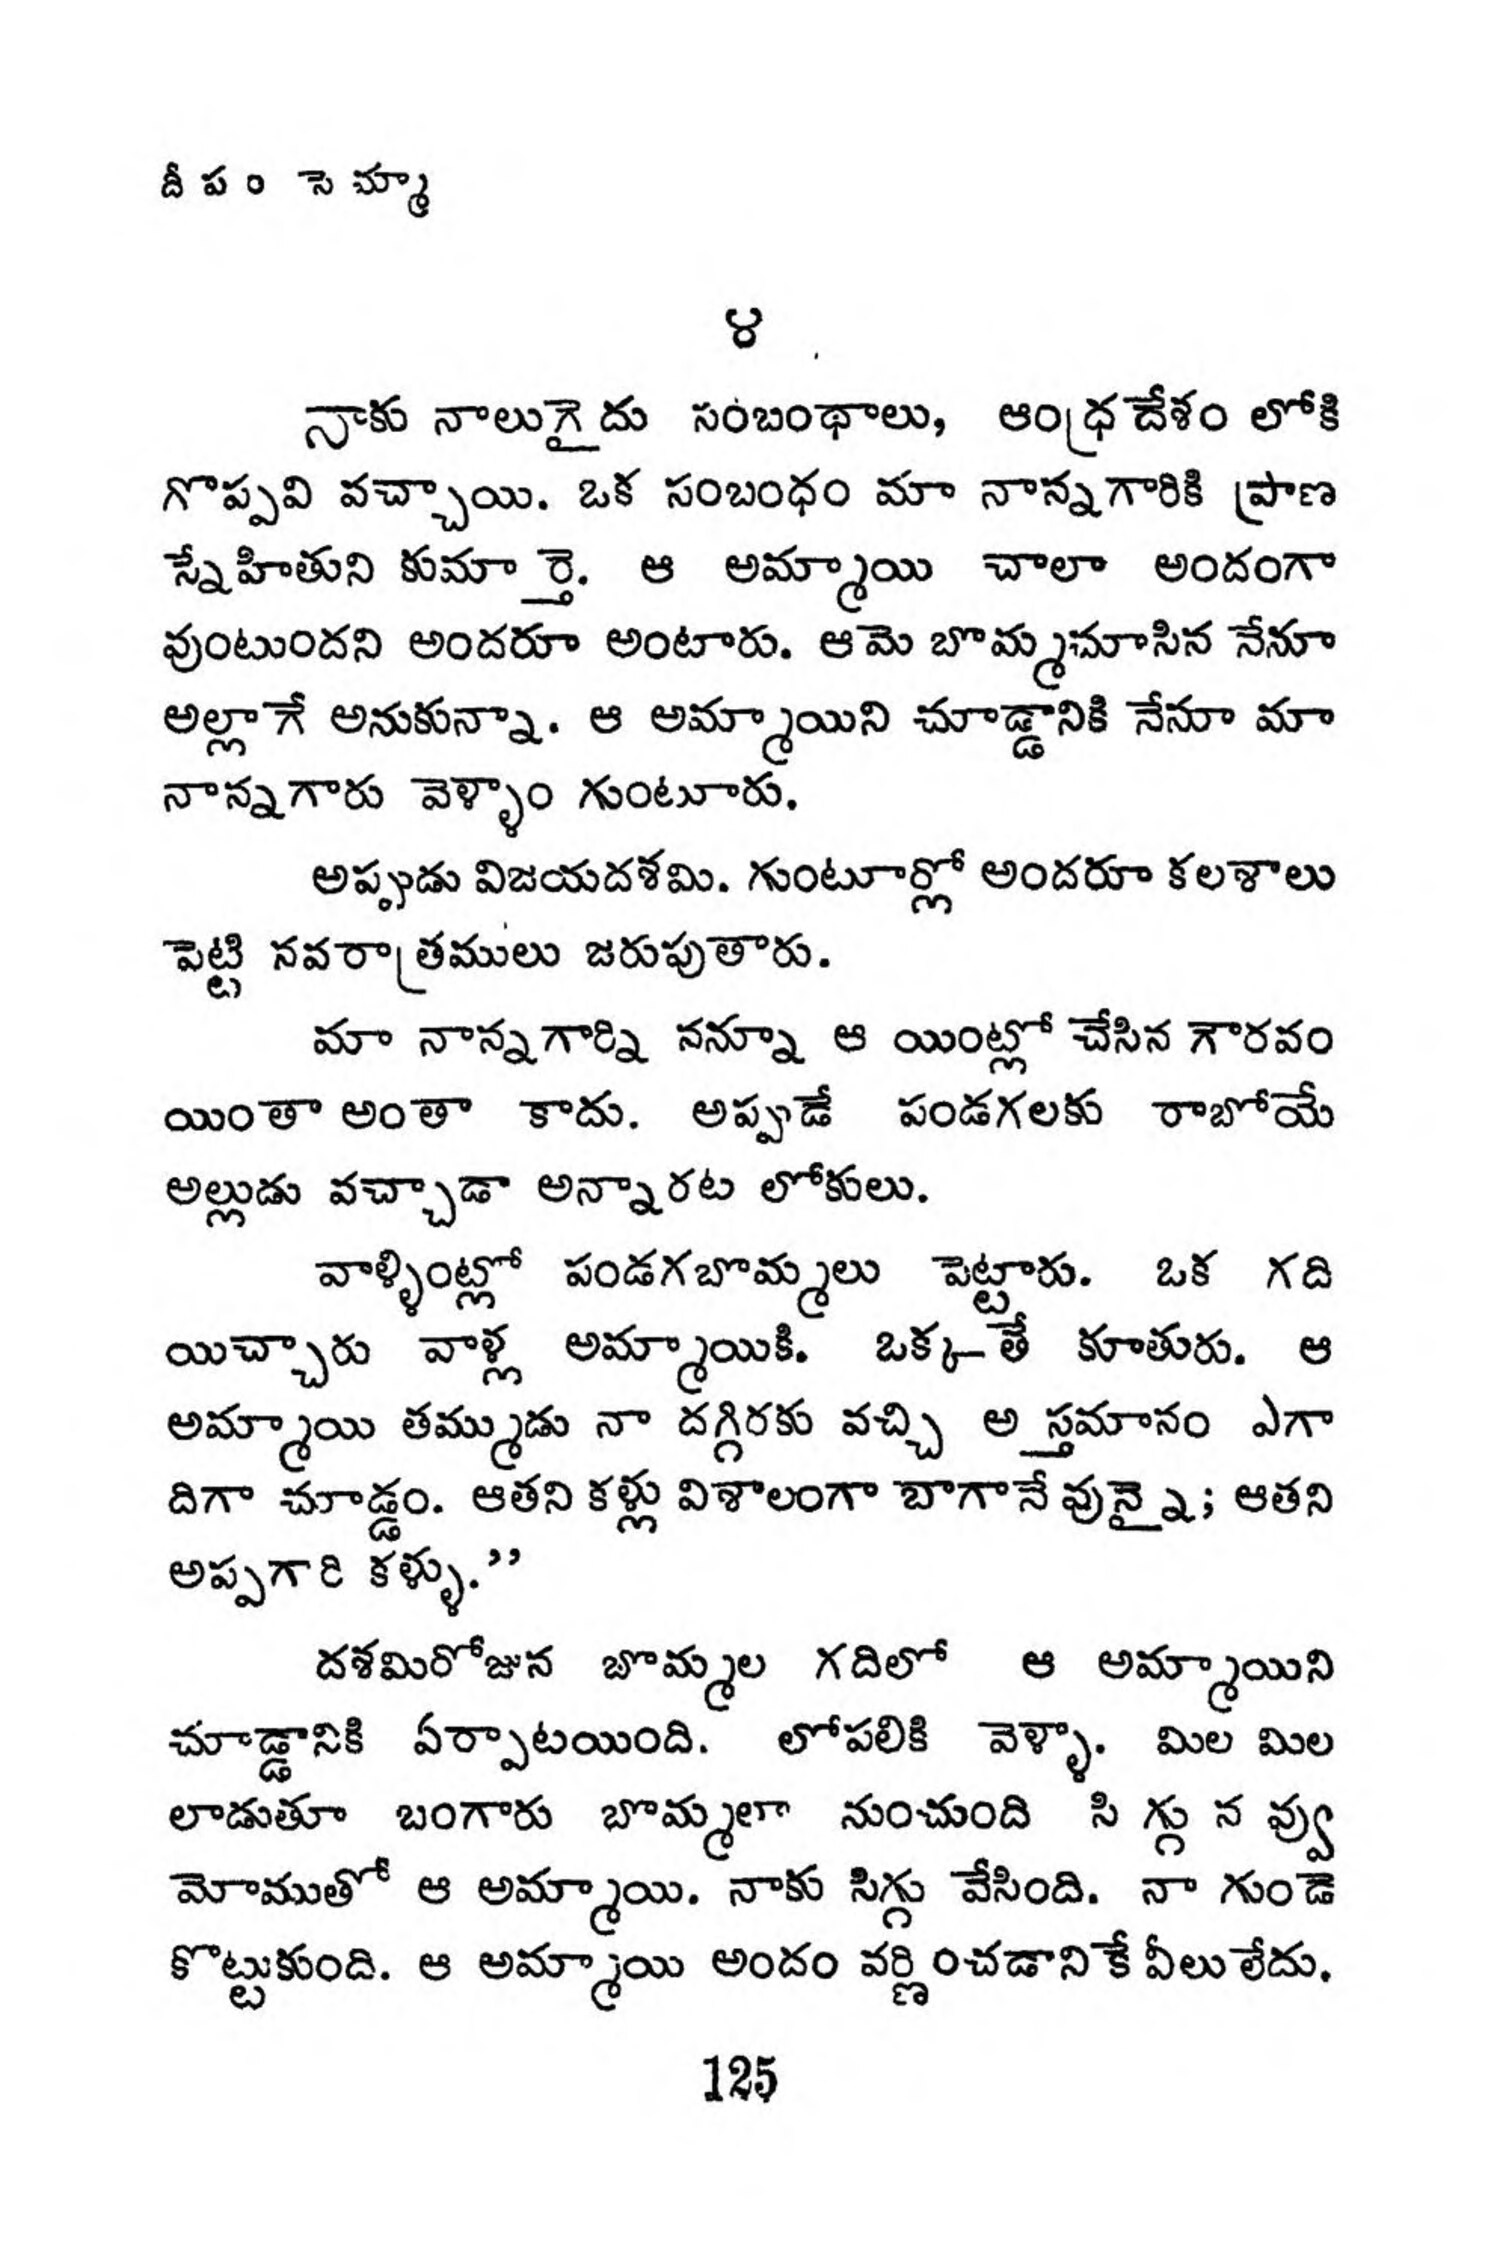4

నాకు నాలుగైదు సంబంధాలు, ఆంధ్రదేశం లోకి గొప్పవి వచ్చాయి. ఒక సంబంధం మా నాన్నగారికి ప్రాణ స్నేహితుని కుమార్తె. ఆ అమ్మాయి చాలా అందంగా వుంటుందని అందరూ అంటారు. ఆమె బొమ్మచూసిన నేనూ అల్లాగే అనుకున్నా. ఆ అమ్మాయిని చూడ్డానికి నేనూ మా నాన్నగారు వెళ్ళాం గుంటూరు.

అప్పుడు విజయదశమి. గుంటూర్లో అందరూ కలశాలు పెట్టి నవరాత్రములు జరుపుతారు.

మా నాన్నగార్ని నన్నూ ఆ యింట్లో చేసిన గౌరవం యింతా అంతా కాదు. అప్పుడే పండగలకు రాబోయే అల్లుడు వచ్చాడా అన్నారట లోకులు.

వాళ్ళింట్లో పండగబొమ్మలు పెట్టారు. ఒక గది యిచ్చారు వాళ్ల అమ్మాయికి. ఒక్కతే కూతురు. ఆ అమ్మాయి తమ్ముడు నా దగ్గిరకు వచ్చి అస్తమానం ఎగాదిగా చూడ్డం. అతని కళ్లు విశాలంగా బాగానే వున్నై; ఆతని అప్పగారి కళ్లు."

దశమిరోజున బొమ్మల గదిలో ఆ అమ్మాయిని చూడ్డానికి ఏర్పాటయింది. లోపలికి వెళ్ళా. మిల మిలలాడుతూ బంగారు బొమ్మలా నుంచుంది. సిగ్గు నవ్వు మోముతో ఆ అమ్మాయి. నాకు సిగ్గు వేసింది. నా గుండె కొట్టుకుంది. ఆ అమ్మాయి అందం వర్ణించడానికే వీలులేదు.